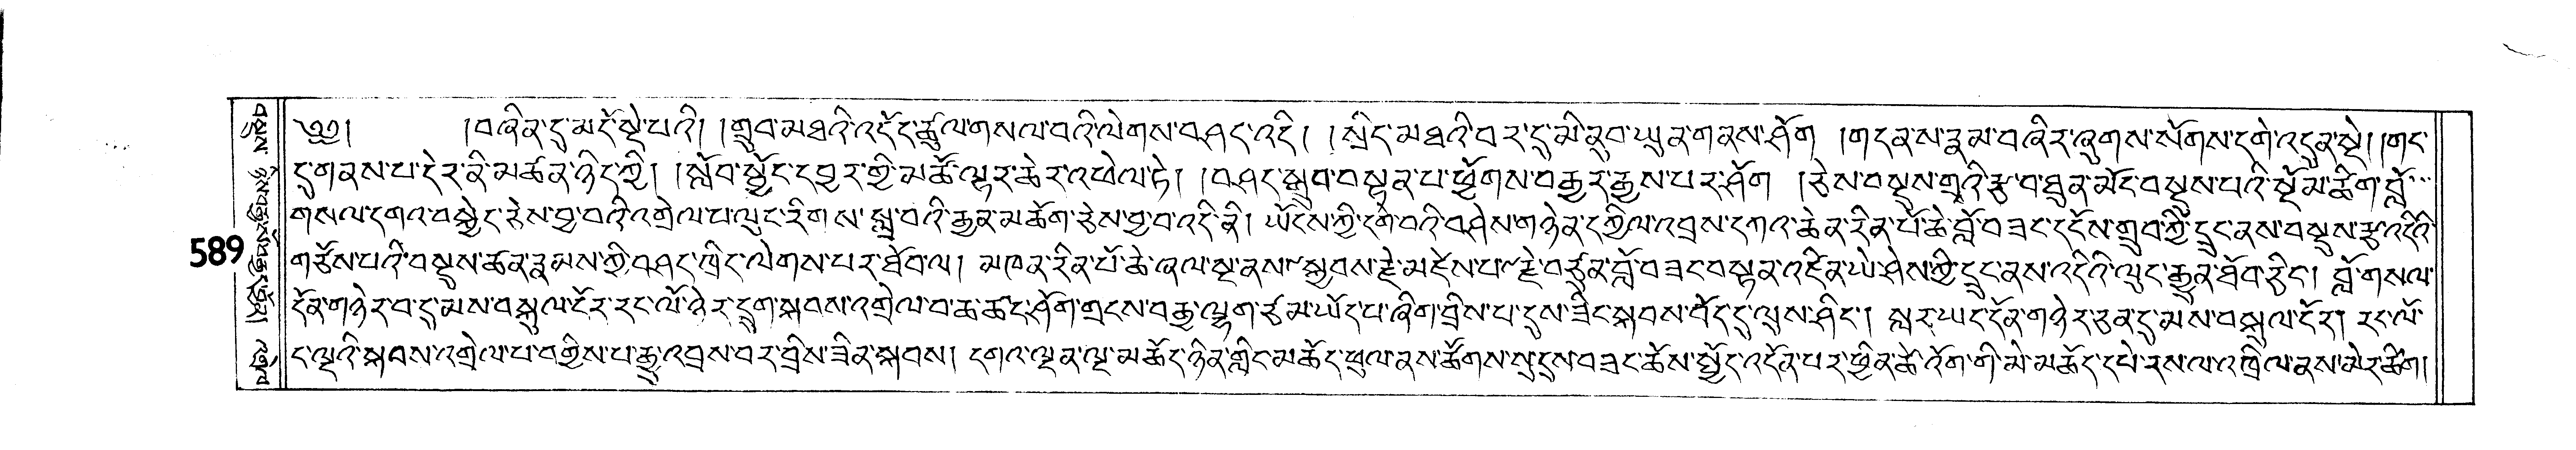༄༅། །བཞིན་དུ་མདོ་སྡེ་པའི། །གྲུབ་མཐའི་འདོད་ཚུལ་གསལ་བའི་ལེགས་བཤད་འདི། །སྲིད་མཐའི་བར་དུ་མི་ནུབ་ཡུན་གནས་ཤོག །གདན་ས་རྣམ་བཞིར་ཞུགས་སོགས་དགེ་འདུན་སྡེ། །གང་
དུ་གནས་པ་དེར་ནི་མཚན་ཉིད་ཀྱི། །སློབ་སྦྱོང་དབྱར་གྱི་མཚོ་ལྟར་ཆེར་འཕེལ་ཏེ། །བཤད་སྒྲུབ་བསྟན་པ་ཕྱོགས་བརྒྱར་རྒྱས་པར་ཤོག །ཅེས་བསྡུས་གྲྭའི་རྩ་བ་ཐུན་མོང་བསྡུས་པའི་སྡོམ་ཚིག་བློ་
གསལ་དགའ་བསྐྱེད་ཅེས་བྱ་བའི་འགྲེལ་པ་ལུང་རིགས་སྨྲ་བའི་རྒྱན་མཆོག་ཅེས་བྱ་བ་འདི་ནི། ཡོངས་ཀྱི་དགེ་བའི་བཤེས་གཉེན་དཀྱིལ་འབྲས་དཀའ་ཆེན་རིན་པོ་ཆེ་བློ་བཟང་དངོས་གྲུབ་ཀྱི་དྲུང་ནས་བསྡུས་རྩ་བའི་
གཙོས་པའི་བསྡུས་ཚན་རྣམས་ཀྱི་བཤད་ཁྲིད་ལེགས་པར་ཐོབ་ལ། མཁན་རིན་པོ་ཆེ་ཞལ་སྔ་ནས་སྐྱབས་རྗེ་མཛེས་པ་རྗེ་བཙུན་བློ་བཟང་བསྟན་འཛིན་ཡེ་ཤེས་ཀྱི་དྲུང་ནས་འདིའི་ལུང་རྒྱུན་ཐོབ་ཅིང་། བློ་གསལ་
དོན་གཉེར་བ་དུ་མས་བསྐུལ་ངོར་རང་ལོ་ཉེར་དྲུག་སྐབས་འགྲེལ་བ་ཆ་ཚང་ཤོག་གྲངས་བརྒྱ་ལྷག་ཙམ་ཡོད་པ་ཞིག་བྲིས་པ་དུས་ཟིང་སྐབས་བོད་དུ་ལུས་ཤིང་། སླར་ཡང་དོན་གཉེར་ཅན་དུ་མས་བསྐུལ་ངོར། རང་ལོ་
ལྔ་ལྔའི་སྐབས་འགྲེལ་པ་བགྱིས་པ་རྒྱུ་འབྲས་བར་བྲིས་ཟིན་སྐབས། དགའ་ལྡན་ལྔ་མཆོད་ཉིན་གླིང་མཆོད་ཕུལ་ནས་ཚོགས་སུ་དུས་བཟང་ཆོས་སྤྱོད་འདོན་པར་ཕྱིན་ཚེ་འོག་གི་མི་མཆོད་དཔེ་རས་ལ་འཁྲིལ་ནས་མེར་ཚིག།